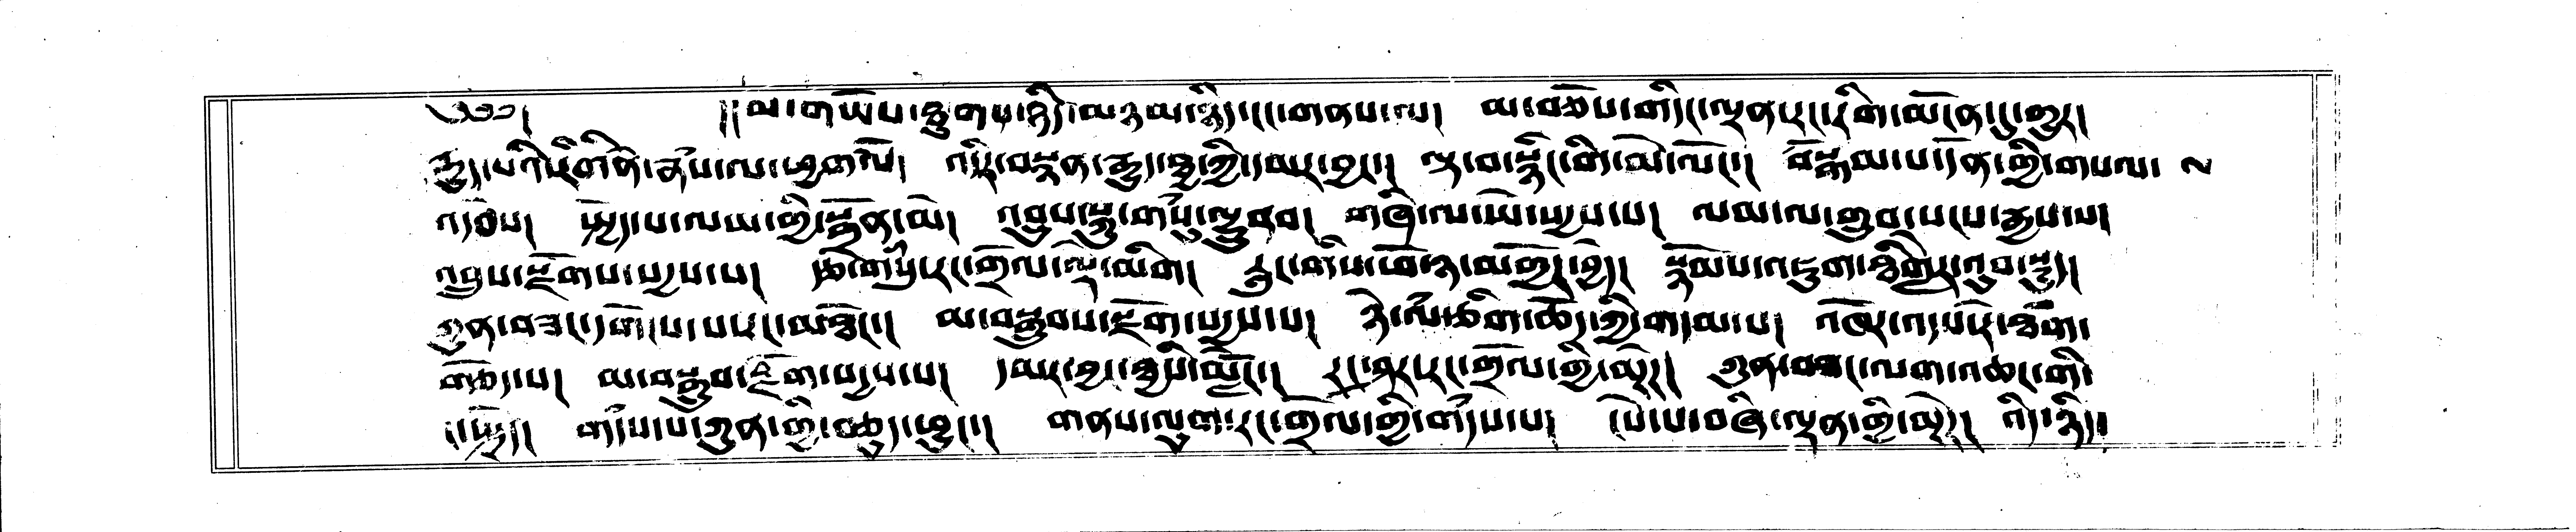༄༅།། །།མ་གཡོས་ཐུགས་ཉིད་མཉམ་ཉིད་ངང་གནས་ལ། །མ་བཅོས་གདེང་ལྡན་རང་རིག་མངོན་དུ་གྱུར། 
།བརྒྱུད་པའི་རིག་འཛིན་ཚོགས་ལ་ཕྱག་འཚལ་ལོ། །འདིར་སྙན་རྒྱུད་ཐུགས་ཀྱི་དམར་བྱང་། ལྟ་བ་སྙིང་གི་མེ་ལོང་། སྒོམ་པ་དོན་གྱི་གསལ་
འདེབས། སྤྱོད་པ་ལམ་གྱི་སྒྲོན་མེ། འབྲས་བུ་སྐུ་གསུམ་ལྷུན་གྲུབ། གཞི་ལ་ཡེ་སངས་རྒྱས་པ། ལམ་ལ་གྲུབ་སངས་རྒྱས་པ། 
འབྲས་བུ་རྫོགས་སངས་རྒྱས་པ། རྩལ་གསུམ་རང་གྲོལ་ལྡེ་མིག རླུང་གི་ཕོ་ཉ་མགྱོགས་མེད། །སྙོམས་འཇུག་ཐིག་ལེར་འུབས་སྡུད། 
ཀུན་བཟང་དགོངས་པ་རང་མཐོང་། མ་བསྒྲུབ་རྫོགས་སངས་རྒྱས་པ། ཉེ་ལམ་ཅིག་ཆོད་ཀྱི་གདམས་པ། འཁོར་འདས་རེ་ཐག་
གཅོད་པ། མ་བསྒྲུབ་རྫོགས་སངས་རྒྱས་པ། དམར་བྱང་ཐུགས་ཀྱི་མེ་ལོང་། རང་ཤར་རང་གྲོལ་གྱི་མན་ངག །ཀུན་བཟང་ལག་འཆང་གི་
ངོ་སྤྲོད། །གདམས་པ་ཀུན་གྱི་བཅུད་ཕྱུང་། གནས་ལུགས་རང་གྲོལ་གྱི་གདམས་པ། ངེས་པ་བཞི་ལྡན་གྱི་མན་ངག འདི་ཉིད་